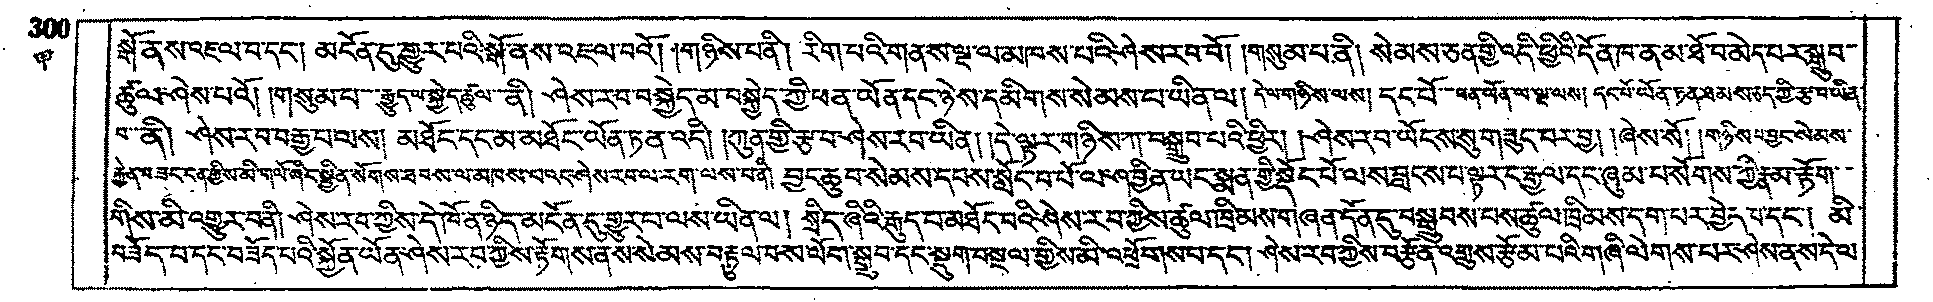སྒོ་ནས་འཇལ་བ་དང་། མངོན་དུ་གྱུར་པའི་སྒོ་ནས་འཇལ་བའོ། །གཉིས་པ་ནི། རིག་པའི་གནས་ལྔ་ལ་མཁས་པའི་ཤེས་རབ་བོ། །གསུམ་པ་ནི། སེམས་ཅན་གྱི་འདི་ཕྱིའི་དོན་ཁ་ན་མ་ཐོ་བ་མེད་པར་སྒྲུབ་
ཚུལ་ཤེས་པའོ། །གསུམ་པརྒྱུད་ལ་སྐྱེད་ཚུལ་ནི། ཤེས་རབ་བསྐྱེད་མ་བསྐྱེད་ཀྱི་ཕན་ཡོན་དང་ཉེས་དམིགས་སེམས་པ་ཡིན་ལ། དེ་ལ་གཉིས་ལས།  དང་པོ་ཕན་ཡོན་ལ་ལྔ་ལས། དང་པོ་ཡོན་ཏན་ཐམས་ཅད་ཀྱི་རྩ་བ་ཡིན་
པ་ནི། ཤེས་རབ་བརྒྱ་པ་ལས། མཐོང་དང་མ་མཐོང་ཡོན་ཏན་འདི། །ཀུན་གྱི་རྩ་བ་ཤེས་རབ་ཡིན། །དེ་ལྟར་གཉིས་ཀ་བསྒྲུབ་པའི་ཕྱིར། །ཤེས་རབ་ཡོངས་སུ་གཟུང་བར་བྱ། །ཞེས་སོ། །གཉིས་པ་བྱང་སེམས་
རྐྱེན་བཟང་ངན་གྱིས་མི་གཡོ་ཞིང་སྦྱིན་སོགས་ཐབས་ལ་མཁས་པའང་ཤེས་རབ་ལ་རག་ལས་པ་ནི། བྱང་ཆུབ་སེམས་དཔས་སློང་བ་པོ་ལ་ཤ་བྱིན་ཡང་སྨན་གྱི་སྡོང་པོ་ལས་བླངས་པ་ལྟར་ང་རྒྱལ་དང་ཞུམ་པ་སོགས་ཀྱི་རྣམ་རྟོག་
གིས་མི་འགྱུར་བ་ནི། ཤེས་རབ་ཀྱིས་དེ་ཁོ་ན་ཉིད་མངོན་དུ་གྱུར་པ་ལས་ཡིན་ལ། སྲིད་ཞིའི་རྒུད་པ་མཐོང་བའི་ཤེས་རབ་ཀྱིས་ཚུལ་ཁྲིམས་གཞན་དོན་དུ་བསྒྲུབས་པས་ཚུལ་ཁྲིམས་དག་པར་བྱེད་པ་དང་། མི་
བཟོད་པ་དང་བཟོད་པའི་སྐྱོན་ཡོན་ཤེས་རབ་ཀྱིས་རྟོགས་ནས་སེམས་བརྟུལ་བས་ལོག་སྒྲུབ་དང་སྡུག་བསྔལ་གྱིས་མི་འཕྲོགས་པ་དང་། ཤེས་རབ་ཀྱིས་བརྩོན་འགྲུས་རྩོམ་པའི་གཞི་ལེགས་པར་ཤེས་ནས་དེ་ལ་